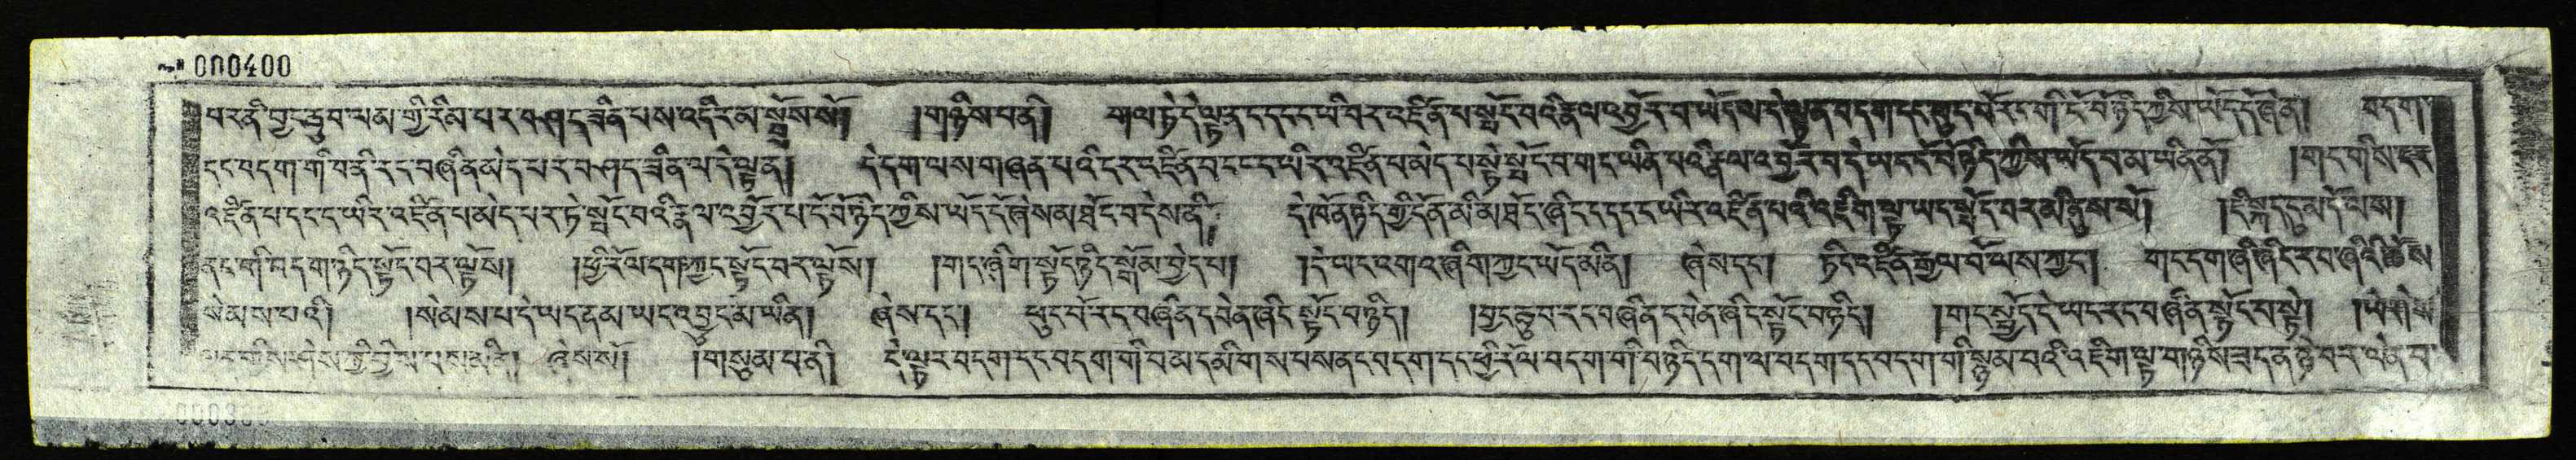བར་ནི་བྱང་ཆུབ་ལམ་གྱི་རིམ་པར་བཤད་ཟིན་པས་འདིར་མ་སྤྲོས་སོ། །གཉིས་པ་ནི། གལ་ཏེ་དེ་ལྟར་ང་དང་ང་ཡི་བར་འཛིན་པ་སྤོང་བའི་རྣལ་འབྱོར་བ་ཡོད་ལ་དེ་ལྟ་ན་བདག་དང་ཕུང་པོ་རང་གི་ངོ་བོ་ཉིད་ཀྱིས་ཡོད་དོ་ཞེ་ན། བདག་
དང་བདག་གི་བ་ནི་རང་བཞིན་མེད་པར་བཤད་ཟིན་ལ་དེ་ལྟ་ན། དེ་དག་ལས་གཞན་པའི་ངར་འཛིན་པ་དང་ང་ཡིར་འཛིན་པ་མེད་པ་སྟེ་སྤོང་བ་གང་ཡིན་པའི་རྣལ་འབྱོར་བ་དེ་ཡང་ངོ་བོ་ཉིད་ཀྱིས་ཡོད་པ་མ་ཡིན་ནོ། །གང་གིས་ངར་
འཛིན་པ་དང་ང་ཡིར་འཛིན་པ་མེད་པར་ཏེ་སྤོང་བའི་རྣལ་འབྱོར་པ་ངོ་བོ་ཉིད་ཀྱིས་དྱོད་དོ་ཞེས་མཐོང་བ་དེས་ནི། དེ་ཁོ་ན་ཉིད་གྱི་དོན་མི་མཐོང་ཞིང་ང་དང་ང་ཡིར་འཛིན་པའི་འཇིག་ལྟ་ཡང་སྤོང་བར་མི་ནུས་སོ། །ཇི་སྐད་དུ་མདོ་ལས།
ནང་གི་བདག་ཉིད་སྟོང་བར་ལྟོས། །ཕྱི་རོལ་དག་ཀྱང་སྟོང་བར་ལྟོས། །གང་ཞིག་སྟོང་ཉིད་སྒོམ་བྱེད་པ། །དེ་ཡང་འགའ་ཞིག་ཀྱང་ཡོད་མིན། ཞེས་དང་། ཏིང་འཛིན་རྒྱལ་པོ་ལས་ཀྱང་། གང་དག་ཞི་ཞིང་རབ་ཞིའི་ཆོས་
སེམས་པའི། །སེམས་པ་དེ་ཡང་ནམ་ཡང་འབྱུང་མ་ཡིན། ཞེས་དང་། ཕུང་པོ་རང་བཞིན་དབེན་ཞིང་སྟོང་པ་ཉིད། །བྱང་ཆུབ་རང་བཞིན་དབེན་ཞིང་སྟོང་བ་ཉིད། །གང་སྤྱོད་དེ་ཡང་རང་བཞིན་སྟོང་པ་སྟེ། །ཡེ་ཤེས་
?ལྡན་གྱིས་ཤེས་ཀྱི་བྱིས་པས་མིན། ཞེས་སོ། །གསུམ་པ་ནི། དེ་ལྟར་བདག་དང་བདག་གི་བམ་དམིགས་པས་ནང་བདག་དང་ཕྱི་རོལ་བདག་གི་བ་ཉིད་དག་ལ་བདག་དང་བདག་གི་སྙམ་བའི་འཇིག་ལྟ་གཉིས་ཟད་ན་ཉེ་བར་ལེན་བ་